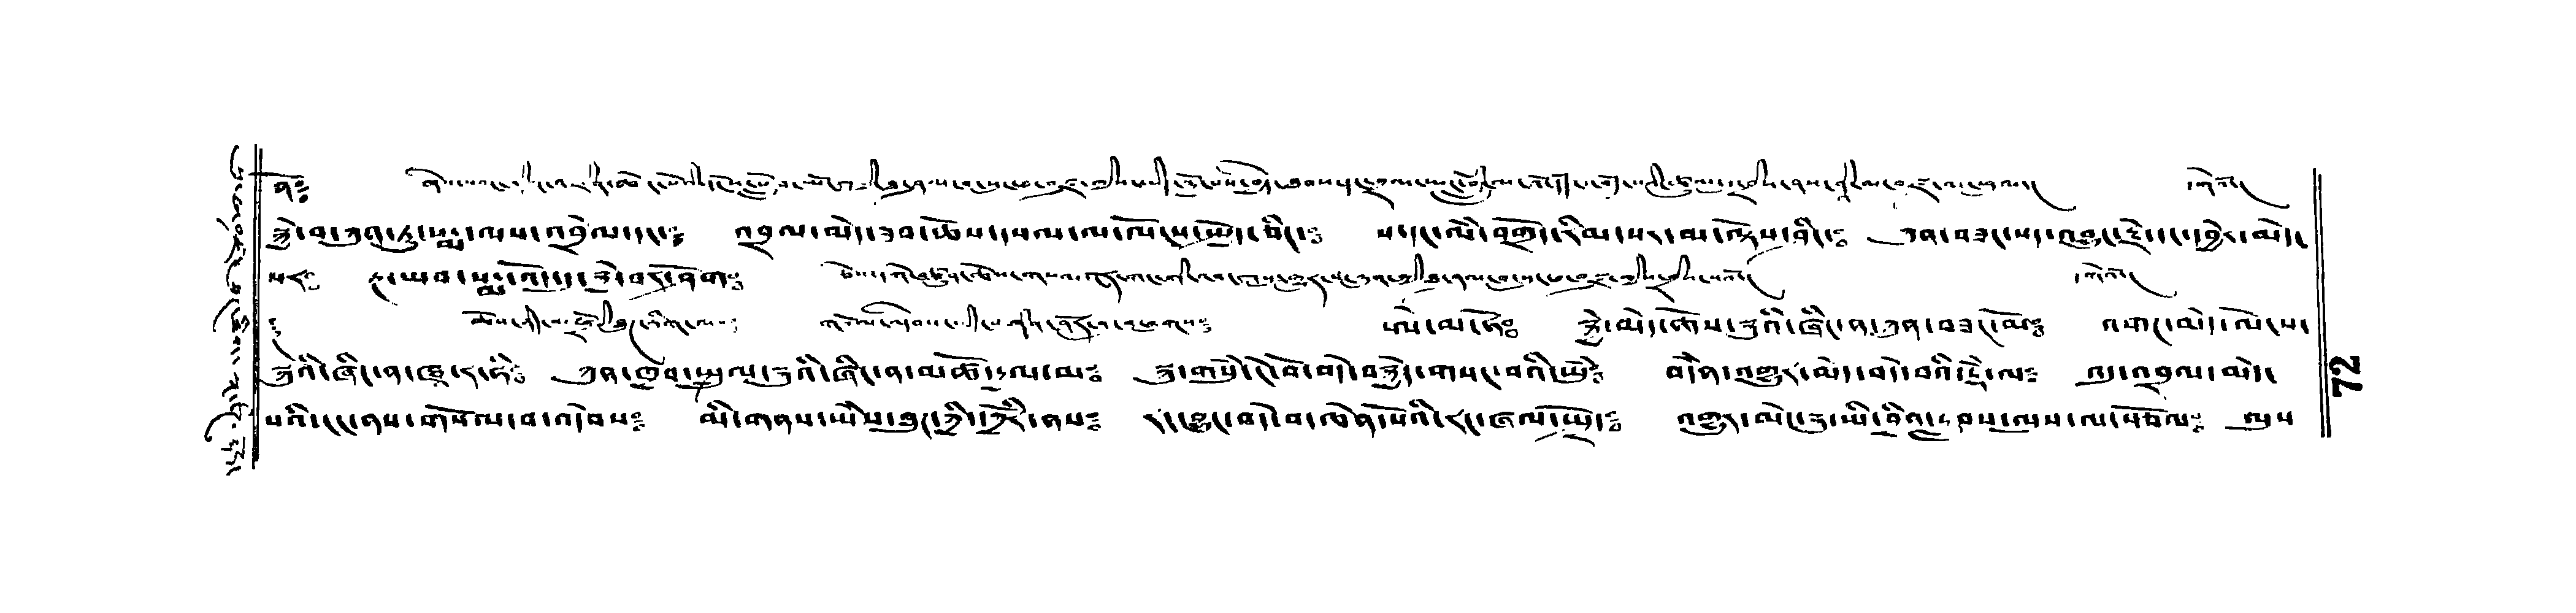ནོ༔ ཞེས་པའང་རིག་འཛིན་ཆེན་པོའི་དངོས་སློབ་ཡོངས་ཀྱི་ཐ་ཤལ་བ་སུ་ཁ་བཛྲ་གྱིས་ཡིད་སྐྱོ་བས་བྱེད་ཐབས་དང་བྲལ་ཡང་བླ་མ་ལ་འོ་དོད་འབོད་པའི་ཚུལ་དུ་བྲིས་ནས་ཤཱི་ལ་བཛྲ་ལ་ཕུལ།། དགེའོ།། 
སྐྱེ་བ་ཀུན་ཏུ་པདྨ་ལས་འབྲེལ་དང༔ འབྲལ་མེད་ཟབ་ཆོས་དཔལ་ལ་ལོངས་སྤྱོད་ཅིང༔ ས་དང་ལམ་བགྲོད་རིམ་པར་མ་ལྟོས་ཤིང༔ ཀུན་བཟང་པད་འབྱུང་རྗེ་དང་དབྱེར་མེད་
པར༔ རྔ་ཡབ་པདྨ་འོད་དུ་སྐྱེ་བར་ཤོག༔ ཅེས་དགེ་བཙུན་ཆོས་གསལ་ངོར་གང་གི་འབངས་སུ་གྱུར་པ་ཀུན་གྱི་ཐ་ཤལ་བ་སུ་ཁ་བཛྲ་གྱིས་བྲིས་པའོ།། 
༈ ཆོས་ཉིད་མཁའ་འགྲོའི་ཐུགས་ཏིག་ལས༔ གསོལ་འདེབས་ཡིད་བཞིན་ནོར་བུ་བཞུགས༔ ཨེ་མ་ཧོཿ སྐྱེ་མེད་ཆོས་སྐུའི་ཞིང་ན་ཀུན་བཟང་མོ༔ འགགས་མེད་ལོངས་
སྐུའི་ཞིང་ན་ཝཱ་ར་ཧི༔ ཀུན་ཁྱབ་སྤྲུལ་སྐུའི་ཞིང་ན་མཚོ་རྒྱལ་མ༔ སྐུ་གསུམ་ངོ་བོ་བདེ་བསྐྱེད་གསང་བའི་ཡུམ༔ བདེ་ཆེན་འགྱུར་མེད་བདེ་བའི་རྡོ་རྗེ་ལ༔ འདུ་འབྲལ་མེད་
པའི་ངང་ནས་གསོལ་བ་འདེབས༔ མི་གནས་ཡེ་ཤེས་ཐུགསཀྱི་དཀྱིལ་འཁོར་ནས༔ རང་བྱུང་བདེ་བ་ཆེན་པོའི་རང་ཞལ་སྤྲོད༔ འགྱུར་མེད་སྐུ་ཡི་བྱིན་རླབས་ལུས་ལ་སྩོལཿ ལུས་